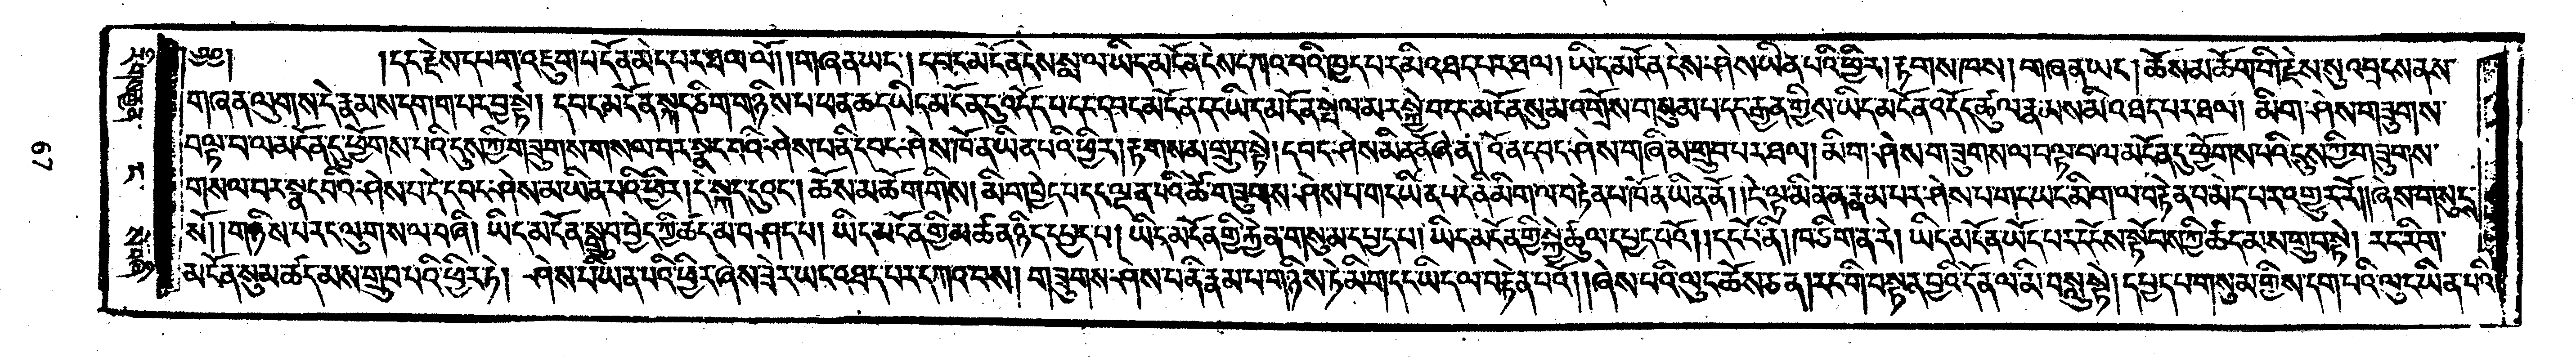༄༅། །དང་རྗེས་དཔག་འཇུག་པ་དོན་མེད་པར་ཐལ་ལོ། །གཞན་ཡང་། དབང་མངོན་ངེས་སླ་ལ་ཡིད་མངོན་ངེས་དཀའ་བའི་ཁྱད་པར་མི་འཐད་པར་ཐལ། ཡིད་མངོན་ངེས་ཤེས་ཡིན་པའི་ཕྱིར། རྟགས་ཁས། གཞན་ཡང་། ཆོས་མཆོག་གི་རྗེས་སུ་འབྲངས་ནས་
གཞན་ལུགས་དེ་རྣམས་དགག་པར་བྱ་སྟེ། དབང་མངོན་སྐད་ཅིག་གཉིས་པ་ཕན་ཆད་ཡིད་མངོན་དུ་འདོད་པ་དང་དབང་མངོན་དང་ཡིད་མངོན་སྤེལ་མར་སྐྱེ་བ་དང་མངོན་སུམ་འགྲོས་གསུམ་པ་དང་རྒྱན་གྱིས་ཡིད་མངོན་འདོད་ཚུལ་རྣམས་མི་འཐད་པར་ཐལ། མིག་ཤེས་གཟུགས་
བལྟ་བ་ལ་མངོན་དུ་ཕྱོགས་པའི་དུས་ཀྱི་གཟུགས་གསལ་བར་སྣང་བའི་ཤེས་པ་ནི་དབང་ཤེས་ཁོ་ན་ཡིན་པའི་ཕྱིར། རྟགས་མ་གྲུབ་སྟེ། དབང་ཤེས་མིན་ནོ་ཞེ་ན། འོ་ན་དབང་ཤེས་གཞི་མ་གྲུབ་པར་ཐལ། མིག་ཤེས་གཟུགས་ལ་བལྟ་བ་ལ་མངོན་དུ་ཕྱོགས་པའི་དུས་ཀྱི་གཟུགས་
གསལ་བར་སྣང་བའི་ཤེས་པ་དེ་དབང་ཤེས་མ་ཡིན་པའི་ཕྱིར་ཕྱིར། དེ་སྐད་དུའང་ཆོས་མཆོག་གིས། མིག་བྱེད་པ་དང་ལྡན་པའི་ཚོ་གཟུགས་ཤེས་པ་གང་ཡིན་པ་དེ་ནི་མིག་ལ་བརྟེན་པ་ཁོ་ན་ཡིན་ནོ། །དེ་ལྟ་མིན་ན་རྣམ་པར་ཤེས་པ་གང་ཡང་མིག་ལ་བརྟེན་པ་མེད་པར་འགྱུར་རོ། །ཞེས་གསུངས་
སོ༑ ༑གཉིས་པ་རང་ལུགས་ལ་བཞི། ཡིད་མངོན་སྒྲུབ་བྱེད་ཀྱི་ཚད་མ་བཤད་པ། ཡིད་མངོན་གྱི་མཚན་ཉིད་དབྱད་པ། ཡིད་མངོན་གྱི་རྐྱེན་གསུམ་དཔྱད་པ། ཡིད་མངོན་གྱི་སྐྱེ་ཚུལ་དཔྱད་པའོ། །དང་པོ་ནི། ཁ་ཅིག་ན་རེ། ཡིད་མངོན་ཡོད་པར་དངོས་སྟོབས་ཀྱི་ཚད་མས་གྲུབ་སྟེ། རང་རིག་
མངོན་སུམ་ཚད་མས་གྲུབ་པའི་ཕྱིར་ཏེ། ཤེས་པ་ཡིན་པའི་ཕྱིར་ཞེས་ཟེར་ཡང་འཐད་པར་དཀའ་བས། གཟུགས་ཤེས་པ་ནི་རྣམ་པ་གཉིས་ཏེ་མིག་དང་ཡིད་ལ་བརྟེན་པའོ། །ཞེས་པའི་ལུང་ཆོས་ཅན། རང་གི་བསྟན་བྱའི་དོན་ལ་མི་བསླུ་སྟེ། དཔྱད་པ་གསུམ་གྱིས་དག་པའི་ལུང་ཡིན་པའི་